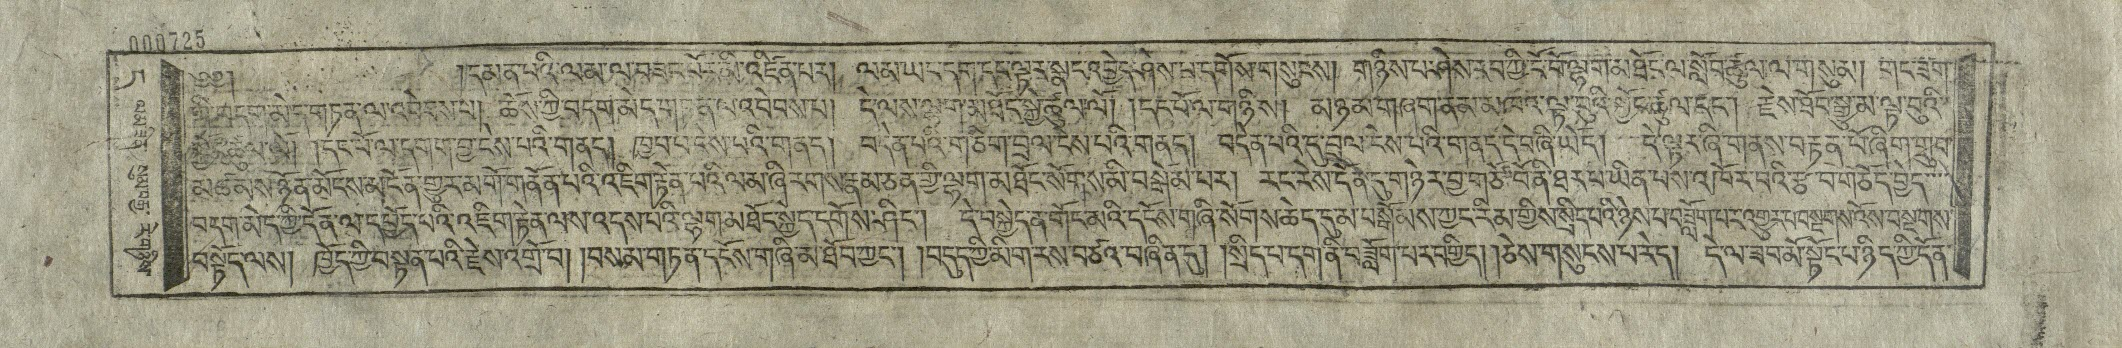༄༅། །དམན་པའི་ལམ་ལ་བཟང་པོར་མི་འཛིན་པར། ལམ་ཡང་དག་དང་ལྟར་སྣང་འབྱེད་ཤེས་པ་དགོས་གསུངས། གཉིས་པ་ཤེས་རབ་ཀྱི་ངོ་བོ་ལྷག་མཐོང་ལ་སློབ་ཚུལ་ལ་གསུམ། གང་ཟག་
གི་བདག་མེད་གཏན་ལ་འབེབས་པ། ཆོས་ཀྱི་བདག་མེད་གཏན་ལ་འབེབས་པ། དེ་ལས་ལྷག་མཐོང་སྐྱེ་ཚུལ་ལོ། །དང་པོ་ལ་གཉིས། མཉམ་གཞག་ནམ་མཁའ་ལྟ་བུའི་སྐྱོང་ཚུལ་དང་། རྗེས་ཐོབ་སྒྱུ་མ་ལྟ་བུའི་
སྐྱོང་ཚུལ་ལོ། །དང་པོ་ལ་དགག་བྱ་ངེས་པའི་གནད། ཁྱབ་པ་ངེས་པའི་གནད། བདེན་པའི་གཅིག་བྲལ་ངེས་པའི་གནད། བདེན་པའི་དུ་བྲལ་ངེས་པའི་གནད་དེ་བཞི་ཡོད། དེ་ལྟར་ཞི་གནས་བརྟན་པོ་ཞིག་གྲུབ་
མཚམས་ཉོན་མོངས་མངོན་གྱུར་མགོ་གནོན་པའི་འཇིག་རྟེན་པའི་ལམ་ཞི་རགས་རྣམ་ཅན་གྱི་ལྷག་མཐོང་སོགས་མི་བསྒོམ་པར། རང་རེས་དོན་དུ་གཉེར་བྱ་གཙོ་བོ་ནི་ཐར་པ་ཡིན་པས་འཁོར་བའི་རྩ་བ་གཅོད་བྱེད་
བདག་མེད་ཀྱི་དོན་ལ་དཔྱོད་པའི་འཇིག་རྟེན་ལས་འདས་པའི་ལྷག་མཐོང་སྐྱེད་དགོས་ཤིང་། དེ་བསྐྱེད་ན་གོང་མའི་དངོས་གཞི་སོགས་ཆེད་དུ་མ་བསྒོམས་ཀྱང་རིམ་གྱིས་སྲིད་པའི་ཉེས་པ་བཟློག་པར་འགྱུར་བ་བསྔགས་འོས་བསྔགས་
བསྟོད་ལས། ཁྱོད་ཀྱི་བསྟན་པའི་རྗེས་འགྲོ་བ། །བསམ་གཏན་དངོས་གཞི་མ་ཐོབ་ཀྱང་། །བདུད་ཀྱི་མིག་རས་བཙའ་བཞིན་དུ། །སྲིད་པ་དག་ནི་བཟློག་པར་བགྱིད། །ཅེས་གསུངས་པ་རེད། དེ་ལ་ཟབ་མོ་སྟོང་པ་ཉིད་ཀྱི་དོན་